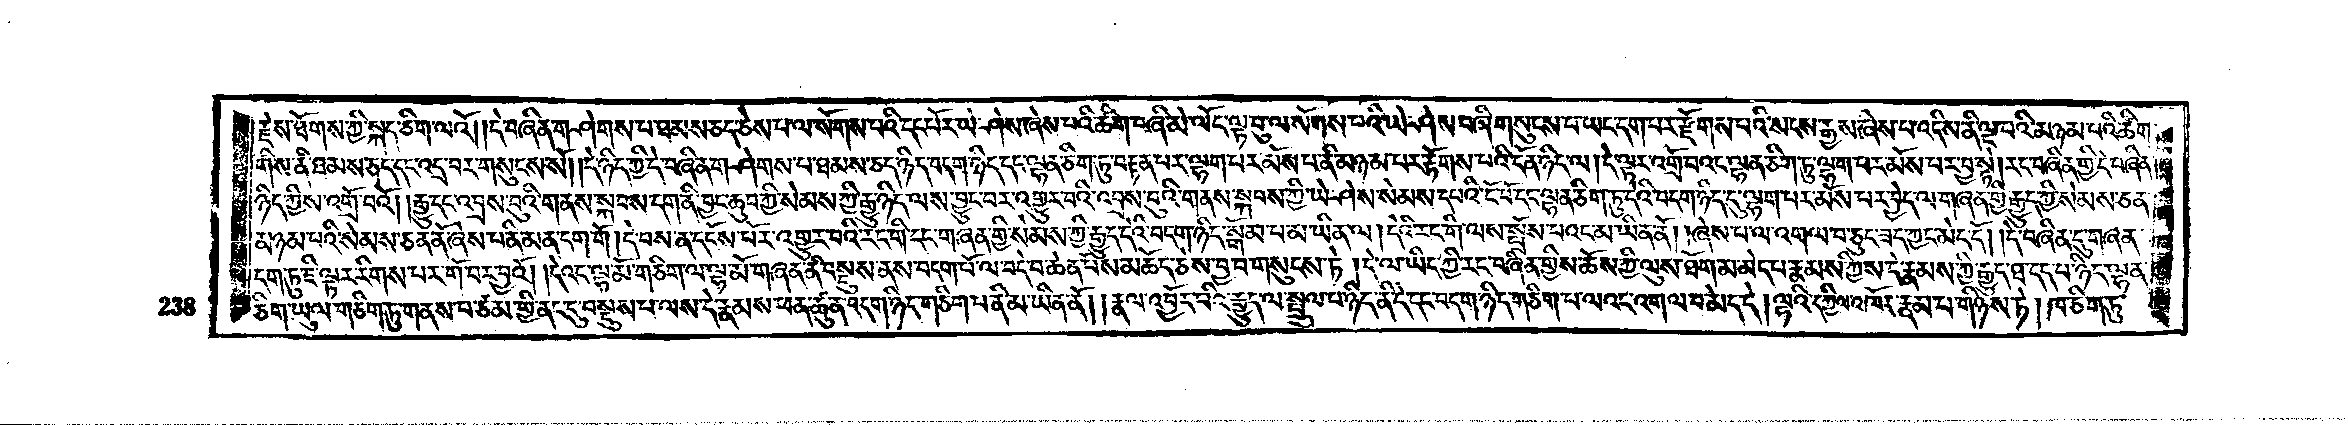རྗེས་ཐོགས་ཀྱི་སྐད་ཅིག་ལའོ། །དེ་བཞིན་གཤེགས་པ་ཐམས་ཅད་ཅེས་པ་ལ་སོགས་པའི་དང་པོར་ཡེ་ཤེས་ཞེས་པའི་ཚིག་བཞི་མེ་ལོང་ལྟ་བུ་ལ་སོགས་པའི་ཡེ་ཤེས་བཞི་གསུངས་པ་ཡང་དག་པར་རྫོགས་པའི་སངས་རྒྱས་ཞེས་པ་འདིས་ནི་ལྔ་པའི་མཉམ་པའི་ཚིག་
གིས་ནི་ཐམས་ཅད་དང་འདྲ་བར་གསུངས་སོ། །དེ་ཉིད་ཀྱི་དེ་བཞིན་གཤེགས་པ་ཐམས་ཅད་ཉིད་བདག་ཉིད་དང་ལྷན་ཅིག་ཏུ་བརྟན་པར་ལྷག་པར་མོས་པ་ནི་མཉམ་པར་རྟོགས་པའི་དོན་ཉིད་ལ། དེ་ལྟར་འགྲོ་བའང་ལྷན་ཅིག་ཏུ་ལྷག་པར་མོས་པར་བྱ་སྟེ། རང་བཞིན་གྱི་དེ་བཞིན་
ཉིད་ཀྱིས་འགྲོ་བའོ། །རྒྱུ་དང་འབྲས་བུའི་གནས་སྐབས་དག་ནི་བྱང་ཆུབ་ཀྱི་སེམས་ཀྱི་རྒྱུ་ཉིད་ལས་བྱུང་བར་འགྱུར་བའི་འབྲས་བུའི་གནས་སྐབས་ཀྱི་ཡེ་ཤེས་སེམས་དཔའི་ངོ་བོ་དང་ལྷན་ཅིག་ཏུ་དེའི་བདག་ཉིད་དུ་ལྷག་པར་མོས་པར་བྱེད་ལ་གཞན་གྱི་རྒྱུད་ཀྱི་སེམས་ཅན་
མཉམ་པའི་སེམས་ཅན་ནོ་ཞེས་པ་ནི་མན་ངག་གོ། དེ་བས་ན་དངོས་པོར་འགྱུར་བའི་རང་གི་དང་གཞན་གྱི་སེམས་ཀྱི་རྒྱུད་དེའི་བདག་ཉིད་སྒོམ་པ་མ་ཡིན་ལ། དེའི་རང་གི་ལས་སྤྲོས་པའང་མ་ཡིན་ནོ། །ཞེས་པ་ལ་འགལ་བ་ཅུང་ཟད་ཀྱང་མེད་དོ། །དེ་བཞིན་དུ་གཞན་
དག་ཏུ་ཇི་ལྟར་རིགས་པར་གོ་བར་བྱའོ། །དེའང་ལྷ་མོ་གཅིག་ལ་ལྷ་མོ་གཞན་ནི་བསྡུས་ནས་བདག་པོ་ལ་བདེ་བ་ཆེན་པོས་མཆོད་ཅེས་བྱ་བ་གསུངས་ཏེ། དེ་ལ་ཡིད་ཀྱི་རང་བཞིན་གྱིས་ཆོས་ཀྱི་ལུས་ཐོག་མ་མེད་པ་རྣམས་ཀྱིས་དེ་རྣམས་ཀྱི་རྒྱུད་ཐ་དད་པ་ཉིད་ལྷན་
ཅིག་ཡུལ་གཅིག་ཏུ་གནས་པ་ཙམ་གྱི་ནང་དུ་བསྡུས་པ་ལས་དེ་རྣམས་ཕན་ཚུན་བདག་ཉིད་གཅིག་པ་ནི་མ་ཡིན་ནོ། །རྣལ་འབྱོར་པའི་རྒྱུད་ལ་སྤྲུལ་པ་ཉིད་ནི་དེ་དང་བདག་ཉིད་གཅིག་པ་ལའང་འགལ་བ་མེད་དེ། ལྷའི་དཀྱིལ་འཁོར་རྣམ་པ་གཉིས་ཏེ། ཁ་ཅིག་ཏུ་